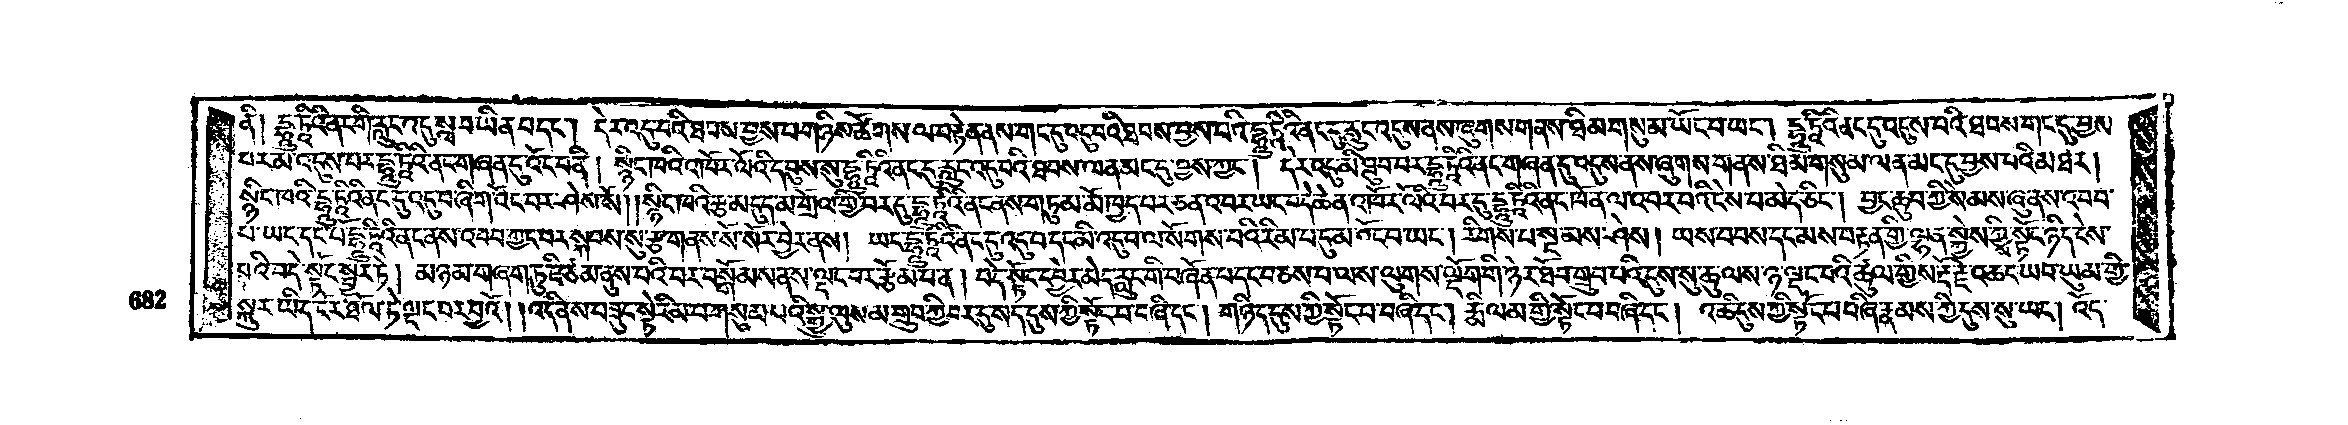ནི། དྷཱུ་ཏཱིའི་ནང་གི་རླུང་འདུ་སླ་བ་ཡིན་པ་དང་། དེར་འདུ་བའི་ཐབས་བྱས་པ་གཉིས་ཚོགས་ལ་བརྟེན་ནས་གང་དུ་འདུ་བའི་ཐབས་བྱས་པའི་དྷཱུ་ཏཱིའི་ནང་དུ་རླུང་འདུས་ནས་ཞུགས་གནས་ཐིམ་གསུམ་ཡོང་བ་ཡང་། དྷཱུ་ཏཱིའི་ནང་དུ་འདུས་པའི་ཐབས་གང་དུ་བྱས་
པར་མ་འདུས་པར་དྷཱུ་ཏཱིའི་ནང་གཞན་དུ་འོང་བ་ནི། སྙིང་ཁའི་འཁོར་ལོའི་དབུས་སུ་དྷཱུ་ཏཱིའི་ནང་དུ་རླུང་འདུ་བའི་ཐབས་ལན་མང་དུ་བྱས་ཀྱང་། དེར་འདུ་མི་ཐུབ་པར་དྷཱུ་ཏཱིའི་ནང་གཞན་དུ་འདུས་ནས་ཞུགས་གནས་ཐིམ་གསུམ་ལན་མང་དུ་བྱས་པའི་མཐར།
སྙིང་ཁའི་དྷཱུ་ཏཱིའི་ནང་དུ་འདུ་བ་ཞིག་འོང་བར་ཤེས་སོ། །སྙིང་ཁའི་རྩ་མདུད་མ་གྲོལ་གྱི་བར་དུ་དྷཱུ་ཏཱིའི་ནང་ནས་གཏུམ་མོ་ཁྱད་པར་ཅན་འབར་ཡང་བདེ་ཆེན་འཁོར་ལོའི་བར་དུ་དྷཱུ་ཏཱིའི་ནང་ཁོ་ན་ལ་འབར་བའི་ངེས་པ་མེད་ཅིང་། བྱང་ཆུབ་ཀྱི་སེམས་ཞུ་ནས་འབབ་
པ་ཡང་དང་པོ་དྷཱུ་ཏཱིའི་ནང་ནས་འབབ་ཀྱང་བར་སྐབས་སུ་རྩ་གནས་སོ་སོར་བྱེར་ནས། ཡང་དྷཱུ་ཏཱིའི་ནང་དུ་འདུ་བ་དང་མི་འདུ་བ་ལ་སོགས་པའི་རིམ་པ་དུ་མ་འོང་བ་ཡང་། རིགས་པ་སྔ་མས་ཤེས། ཡས་བབས་དང་མས་བརྟན་གྱི་ལྷན་སྐྱེས་ཀྱིས་སྟོང་ཉིད་ངེས་
པའི་བདེ་སྟོང་སྦྱར་ཏེ། མཉམ་གཞག་ཏུ་ཇི་ཙམ་ནུས་པའི་བར་བསྒོམས་ནས་ལྡང་བར་རྩོམ་པ་ན། བདེ་སྟོང་དབྱེར་མེད་རླུང་གི་བཞོན་པ་དང་བཅས་པ་ལས་ལུགས་ལྡོག་གི་ཉེར་ཐོབ་གྲུབ་པའི་དུས་སུ་ཆུ་ལས་ཉ་ལྡང་བའི་ཚུལ་གྱིས་རྡོ་རྗེ་འཆང་ཡབ་ཡུམ་གྱི་
སྐུར་ཡིད་ངོར་ཐོལ་ཏེ་ལྡང་བར་བྱའོ། །འདི་ནས་བཟུང་སྟེ་རིམ་པ་གསུམ་པའི་སྒྱུ་ལུས་མ་གྲུབ་ཀྱི་བར་དུ་སད་དུས་ཀྱི་སྟོང་པ་བཞི་དང་། གཉིད་དུས་ཀྱི་སྟོང་པ་བཞི་དང་། རྨི་ལམ་གྱི་སྟོང་པ་བཞི་དང་། འཆི་དུས་ཀྱི་སྟོང་པ་བཞི་རྣམས་ཀྱི་དུས་སུ་ཡང་། འོད་